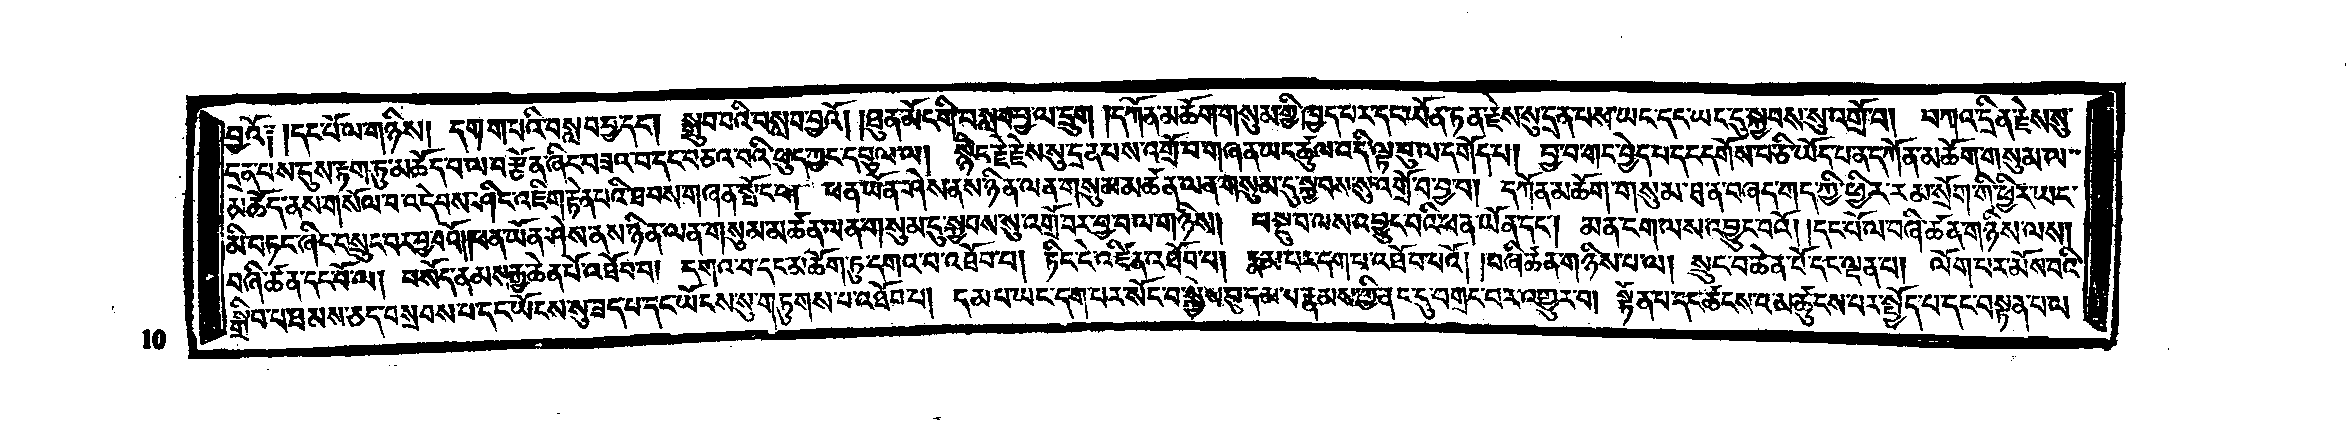བྱའོ༑ །དང་པོ་ལ་གཉིས། དགག་པའི་བསླབ་བྱ་དང་། སྒྲུབ་པའི་བསླབ་བྱའོ། །ཐུན་མོང་གི་བསླབ་བྱ་ལ་དྲུག །དཀོན་མཆོག་གསུམ་གྱི་ཁྱད་པར་དང་ཡོན་ཏན་རྗེས་སུ་དྲན་པས་ཡང་དང་ཡང་དུ་སྐྱབས་སུ་འགྲོ་བ། བཀའ་དྲིན་རྗེས་སུ་
དྲན་པས་དུས་རྟག་ཏུ་མཆོད་པ་ལ་བརྩོན་ཞིང་བཟའ་བ་དང་བཅའ་བའི་ཕུད་ཀྱང་དབུལ་ལ། སྙིང་རྗེ་རྗེས་སུ་དྲན་པས་འགྲོ་བ་གཞན་ཡང་ཚུལ་འདི་ལྟ་བུ་ལ་དགོད་པ། བྱ་བ་གང་བྱེད་པ་དང་དགོས་པ་ཅི་ཡོད་པ་ན་དཀོན་མཆོག་གསུམ་ལ་
མཆོད་ནས་གསོལ་བ་འདེབས་ཤིང་འཇིག་རྟེན་པའི་ཐབས་གཞན་སྤོང་བ། ཕན་ཡོན་ཤེས་ནས་ཉིན་ལན་གསུམ་མཚན་ལན་གསུམ་དུ་སྐྱབས་སུ་འགྲོ་བ་བྱ་བ། དཀོན་མཆོག་གསུམ་ཐ་ན་བཞད་གད་ཀྱི་ཕྱིར་རམ་སྲོག་གི་ཕྱིར་ཡང་
མི་བཏང་ཞིང་བསྲུང་བར་བྱ་བའོ། །ཕན་ཡོན་ཤེས་ནས་ཉིན་ལན་གསུམ་མཚན་ལན་གསུམ་དུ་སྐྱབས་སུ་འགྲོ་བར་བྱ་བ་ལ་གཉིས། བསྡུ་བ་ལས་འབྱུང་བའི་ཕན་ཡོན་དང་། མན་ངག་ལས་འབྱུང་བའོ། །དང་པོ་ལ་བཞི་ཚན་གཉིས་ལས།
བཞི་ཚན་དང་པོ་ལ། བསོད་ནམས་རྒྱ་ཆེན་པོ་འཐོབ་པ། དགའ་བ་དང་མཆོག་ཏུ་དགའ་བ་འཐོབ་པ། ཏིང་ངེ་འཛིན་འཐོབ་པ། རྣམ་པར་དག་པ་འཐོབ་པའོ། །བཞི་ཚན་གཉིས་པ་ལ། སྲུང་བ་ཆེན་པོ་དང་ལྡན་པ། ལོག་པར་མོས་པའི་
སྒྲིབ་པ་ཐམས་ཅད་བསྲབས་པ་དང་ཡོངས་སུ་ཟད་པ་དང་ཡོངས་སུ་གཏུགས་པ་འཐོབ་པ། དམ་པ་ཡང་དག་པར་སོང་བ་སྐྱེས་བུ་དམ་པ་རྣམས་ཀྱི་ནང་དུ་བགྲང་བར་འགྱུར་བ། སྟོན་པ་དང་ཚངས་པ་མཚུངས་པར་སྤྱོད་པ་དང་བསྟན་པ་ལ་